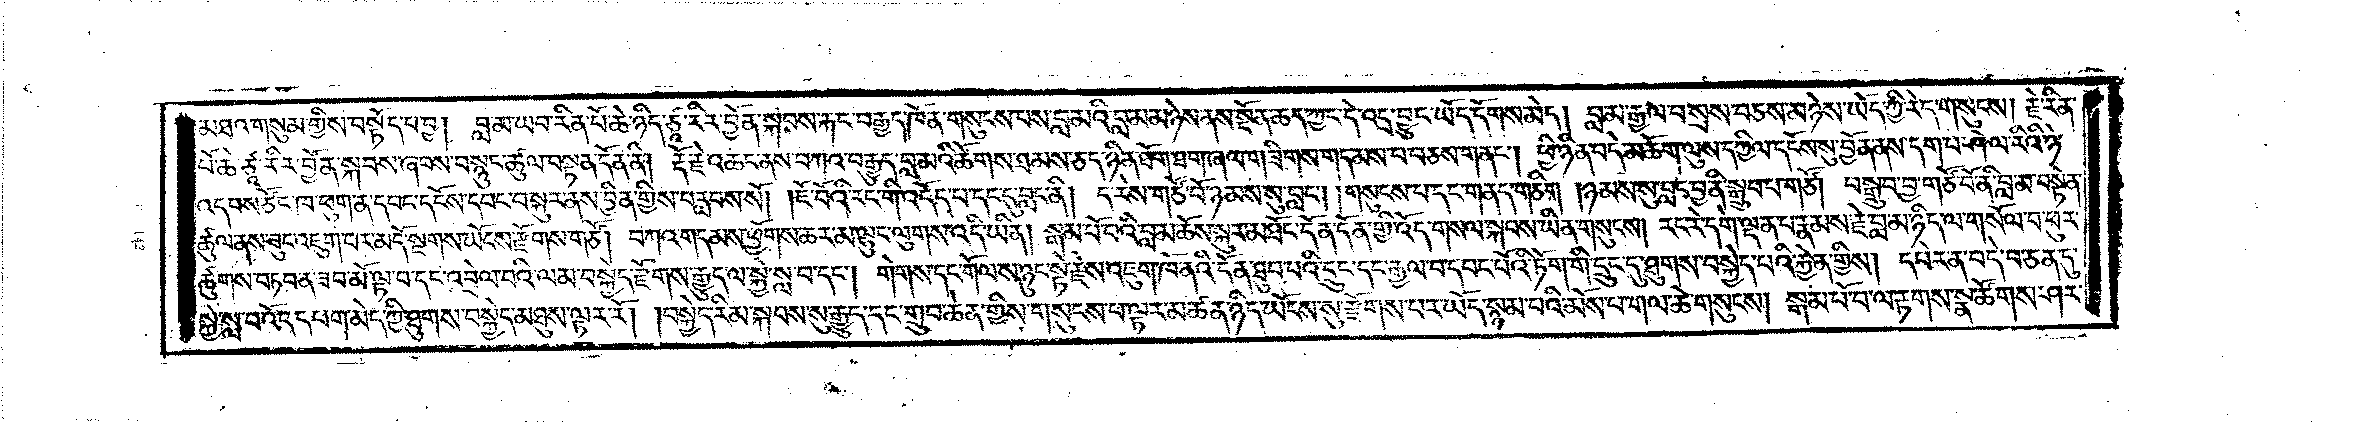མཐའ་གསུམ་གྱིས་བསྟོད་པ་བྱ། བླ་མ་ཡབ་རིན་པོ་ཆེ་ཉིད་ཙཱ་རིར་བྱོན་སྐབས་རྐང་བརྒྱད་ཁོ་ན་གསུངས་པས་བླ་མའི་བླ་མ་མཉེས་ནས་སྔོན་ཆད་ཀྱང་དེ་འདྲ་བྱུང་ཡོད་དོགས་མེད། བླ་མ་རྒྱལ་བ་སྲས་བཅས་མཉེས་ཡོད་ཀྱི་རེད་གསུངས། རྗེ་རིན་
པོ་ཆེ་ཙཱ་རིར་བྱོན་སྐབས་ཞབས་བསྙུང་ཚུལ་བསྟན་དོན་ནི། རྡོ་རྗེ་འཆང་ནས་བཀའ་བརྒྱུད་བླ་མའི་ཚོགས་ཐམས་ཅད་ཉིན་ཐོག་ཐག་ཞལ་གཟིགས་གདམས་པ་བཅས་གནང་། ཕྱི་ཉིན་བདེ་མཆོག་ལུས་དཀྱིལ་དངོས་སུ་བྱོན་ནས་དག་པ་ཤེལ་རིའི་ཉེ་
འདབས་ཙོང་ཁ་ཕུག་ན་དབང་དངོས་དབང་བསྐུར་ནས་བྱིན་གྱིས་བརླབས་སོ། །ཇོ་བོའི་རང་གི་འདོད་པ་དང་དུ་བླང་ནི། ད་རེས་གཙོ་བོ་ཉམས་སུ་བླང་། །གསུངས་པ་དང་གནད་གཅིག །ཉམས་སུ་བླང་བྱ་ནི་སྒྲུབ་པ་གཙོ། བསྒྲུབ་བྱ་གཙོ་བོ་ནི་བླ་མ་བསྟེན་
ཚུལ་ནས་ཟུང་འཇུག་པར་མདོ་སྔགས་ཡོངས་རྫོགས་གཙོ། བཀའ་གདམས་ཕྱོགས་ཆར་མ་ལྷུང་ལུགས་འདི་ཡིན། སྒམ་པོ་བའི་བླ་མ་ཆོས་སྐུར་མཐོང་དོན་དོན་གྱི་འོད་གསལ་སྐབས་ཡིན་གསུངས། རང་རེ་དགེ་ལྡན་པ་རྣམས་རྗེ་བླ་མ་ཉིད་ལ་གསོལ་བ་ཕུར་
ཚུགས་བཏབ་ན་ཟབ་མོ་ལྟ་བ་དང་འབྲེལ་བའི་ལམ་བསྐྱེད་རྫོགས་རྒྱུད་ལ་སྐྱེ་སླ་བ་དང་། གེགས་དང་གོལ་ས་ཉུང་སྟེ་རྗེས་འཇུག་ཁོ་ནའི་དོན་ཐུབ་པའི་དྲུང་དང་རྒྱལ་བ་དབང་པོའི་ཏོག་གི་དྲུང་དུ་ཐུགས་བསྐྱེད་པའི་རྐྱེན་གྱིས། དཔེར་ན་བདེ་བ་ཅན་དུ་
སྐྱེ་སླ་བ་འོད་དཔག་མེད་ཀྱི་ཐུགས་བསྐྱེད་མཐུས་ལྟར་རོ། །བསྐྱེད་རིམ་སྐབས་སུ་རྒྱུད་དང་གྲུབ་ཆེན་གྱིས་གསུངས་པ་ལྟར་མཚན་ཉིད་ཡོངས་སུ་རྫོགས་པར་ཡོད་སྙམ་པའི་མོས་པ་གལ་ཆེ་གསུངས། སྒམ་པོ་བ་ལ་རྟགས་སྣ་ཚོགས་ཤར་